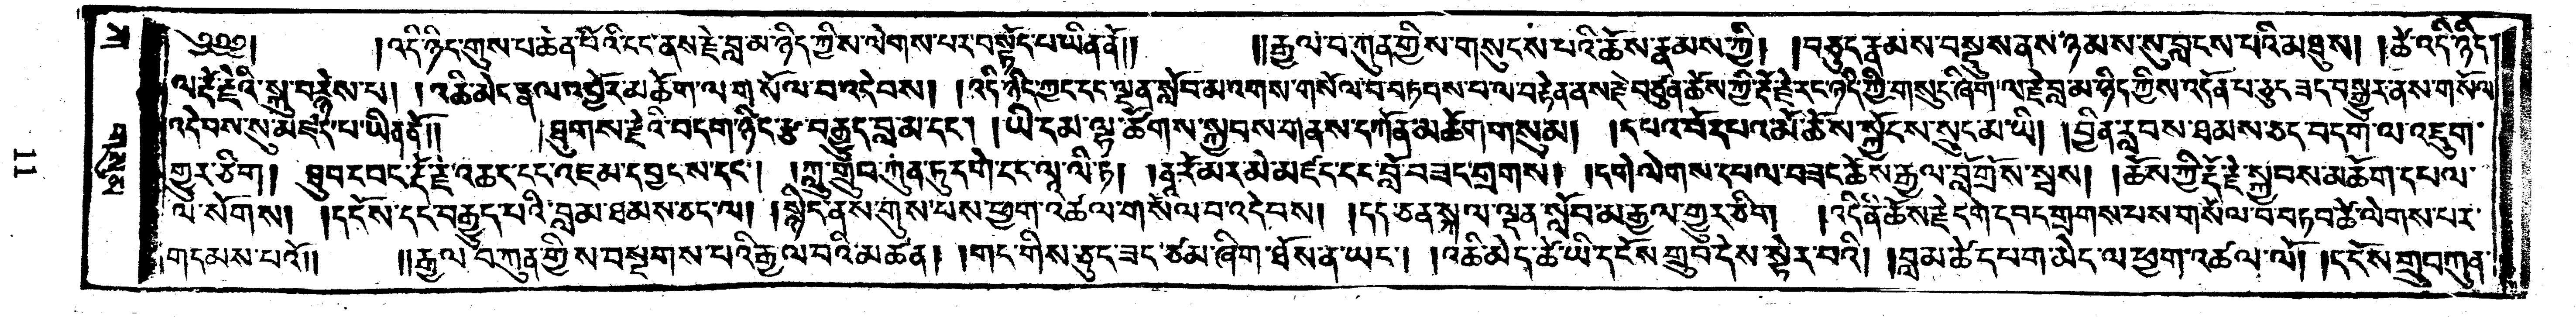༄༅༅། །འདི་ཉིད་གུས་པ་ཆེན་པོའི་ངང་ནས་རྗེ་བླ་མ་ཉིད་ཀྱིས་ལེགས་པར་བསྟོད་པ་ཡིན་ནོ།། །།རྒྱལ་བ་ཀུན་གྱིས་གསུངས་པའི་ཆོས་རྣམས་ཀྱི། །བཅུད་རྣམས་བསྡུས་ནས་ཉམས་སུ་བླངས་པའི་མཐུས། །ཚེ་འདི་ཉིད་
ལ་རྡོ་རྗེའི་སྐུ་བརྙེས་པ། །འཆི་མེད་རྣལ་འབྱོར་མཆོག་ལ་གསོལ་བ་འདེབས། །འདི་ཉིད་ཀྱང་དང་ལྡན་སློབ་མ་འགས་གསོལ་བ་བཏབས་པ་ལ་བརྟེན་ནས་རྗེ་བཙུན་ཆོས་ཀྱི་རྡོ་རྗེ་རང་ཉིད་ཀྱི་གསུང་ཞིག་ལ་རྗེ་བླ་མ་ཉིད་ཀྱིས་འདོན་པ་ཅུང་ཟད་བསྒྱུར་ནས་གསོལ་
འདེབས་སུ་མཛད་པ་ཡིན་ནོ།། །ཐུགས་རྗེའི་བདག་ཉིད་རྩ་བརྒྱུད་བླ་མ་དང་། །ཡི་དམ་ལྷ་ཚོགས་སྐྱབས་གནས་དཀོན་མཆོག་གསུམ། །དཔའ་བོ་དཔའ་མོ་ཆོས་སྐྱོངས་སྲུང་མ་ཡི། །བྱིན་རླབས་ཐམས་ཅད་བདག་ལ་འཇུག་
གྱུར་ཅིག། ཐུབ་དབང་རྡོ་རྗེ་འཆང་དང་འཇམ་དབྱངས་དང་། །ཀླུ་གྲུབ་ཀུན་ཏུ་དགེ་ངང་ལཱ་ལི་ཏ། །ནཱ་རོ་མར་མེ་མཛད་དང་བློ་བཟང་གྲགས། །དགེ་ལེགས་དཔལ་བཟང་ཆོས་རྒྱལ་བློ་གྲོས་སྦས། །ཆོས་ཀྱི་རྡོ་རྗེ་སྐྱབས་མཆོག་དཔལ་
ལ་སོགས། །དངོས་དང་བརྒྱུད་པའི་བླ་མ་ཐམས་ཅད་ལ། །སྙིང་ནས་གུས་པས་ཕྱག་འཚལ་གསོལ་བ་འདེབས། །དད་ཅན་སྐལ་ལྡན་སློབ་མ་རྒྱལ་གྱུར་ཅིག །འདི་ནི་ཆོས་རྗེ་དགེ་དབང་གྲགས་པས་གསོལ་བ་བཏབ་ཚེ་ལེགས་པར་
གདམས་པའོ།། །།རྒྱལ་བ་ཀུན་གྱིས་བསྔགས་པའི་རྒྱལ་བའི་མཚན། །གང་གིས་ཅུང་ཟད་ཙམ་ཞིག་ཐོས་ན་ཡང་། །འཆི་མེད་ཚེ་ཡི་དངོས་གྲུབ་དེས་སྟེར་བའི། །བླ་མ་ཚེ་དཔག་མེད་ལ་ཕྱག་འཚལ་ལོ། །དངོས་གྲུབ་ཀུན་